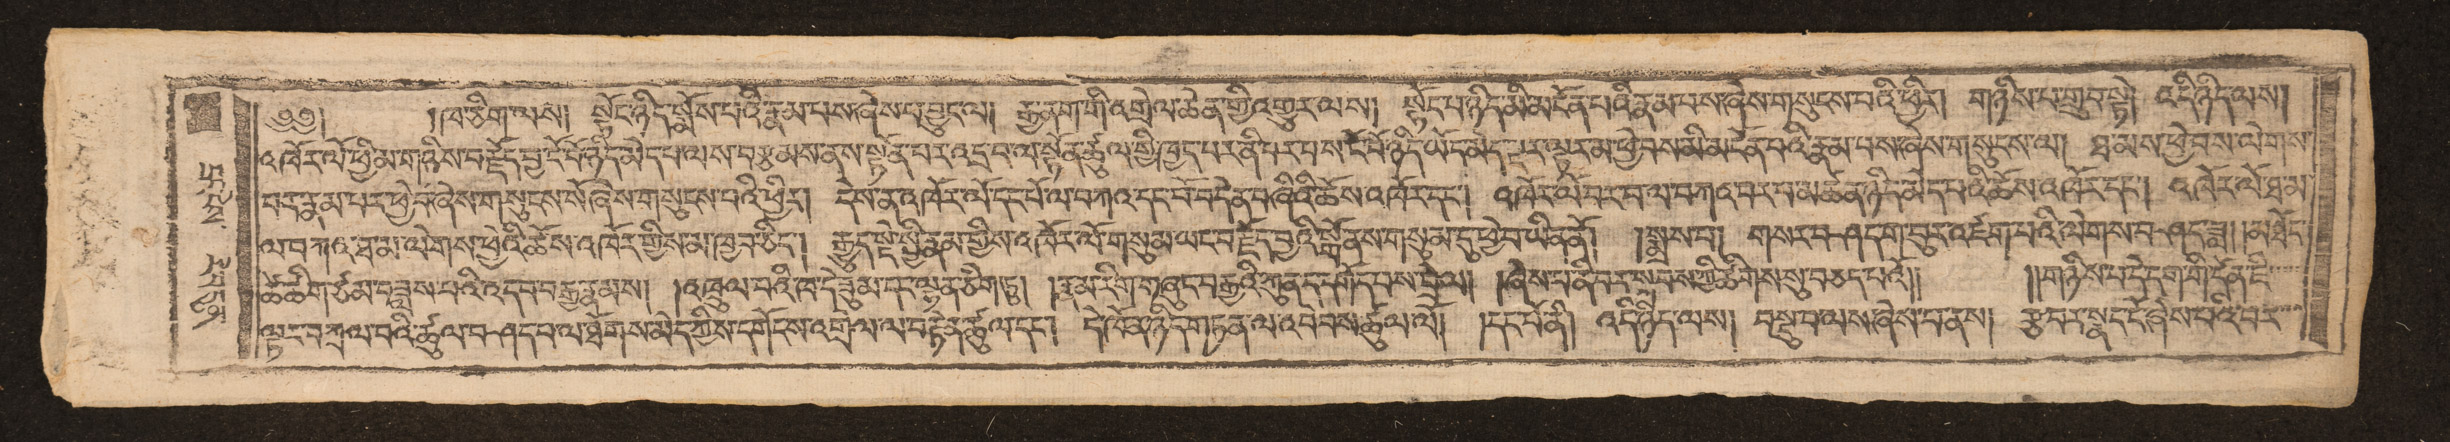༄༅། །ཁ་ཅིག་ལས། སྟོང་ཉིད་སྨོས་པའི་རྣམ་པས་ཞེས་པ་བྱུང་ལ། རྒྱ་ནག་གི་འགྲེལ་ཆེན་གྱི་འགྱུར་ལས། སྟོང་པ་ཉིད་མི་མངོན་པའི་རྣམ་པས་ཞེས་གསུངས་པའི་ཕྱིར། གཉིས་པ་གྲུབ་སྟེ། འདི་ཉིད་ལས།
འཁོར་ལོ་ཕྱི་མ་གཉིས་བརྗོད་བྱ་ངོ་བོ་ཉིད་མེད་པ་ལས་བརྩམས་ནས་སྟོན་པར་འདྲ་བ་ལ་སྟོན་ཚུལ་གྱི་ཁྱད་པར་ནི་བར་པས་ངོ་བོ་ཉིད་ཡོད་མེད་སྔར་ལྟར་མ་ཕྱེ་བས་མི་མངོན་པའི་རྣམ་པས་ཞེས་གསུངས་ལ། ཐམས་ཕྱེ་བས་ལེགས་
པར་རྣམ་པར་ཕྱེ་བ་ཞེས་གསུངས་སོ་ཞེས་གསུངས་པའི་ཕྱིར། དེས་ན་འཁོར་ལོ་དང་པོ་ལ་བཀའ་དང་པོ་བདེན་བཞིའི་ཆོས་འཁོར་དང་། འཁོར་ལོ་བར་བ་ལ་བཀའ་བར་པ་མཚན་ཉིད་མེད་པའི་ཆོས་འཁོར་དང་། འཁོར་ལོ་ཐ་མ་
ལ་བཀའ་ཐ་མ་ལེགས་ཕྱེའི་ཆོས་འཁོར་གྱིས་མ་ཁྱབ་ཅིང་། རྒྱུད་སྡེ་སྤྱི་རྣམ་གྱིས་འཁོར་ལོ་གསུམ་ཡང་བརྗོད་བྱའི་སྒོ་ནས་གསུམ་དུ་ཕྱེ་བ་ཡིན་ནོ། །སྨྲས་པ། གསར་བཤད་ག་བུར་འཛག་པའི་ལེགས་བཤད་ཟླ། །མཐོང་
ཚེ་ཚིག་ཙམ་བཟླས་པའི་འདབ་བརྒྱ་རྣམས། །འཁྲུལ་བའི་ཁ་དེ་ཟུམ་དང་ལྷན་ཅིག་ཏུ། །རྣམ་རིག་གཞུང་བརྒྱའི་ཀུན་ད་དགོད་པས་བྲེལ། །ཞེས་པ་ནི་བར་སྐབས་ཀྱི་ཚིགས་སུ་བཅད་པའོ།། །།གཉིས་པ་དེ་དག་གི་དོན་ཇི་
ལྟར་བཀྲལ་བའི་ཚུལ་བཤད་པ་ལ་ཐོགས་མེད་ཀྱིས་དགོངས་འགྲེལ་ལ་བརྟེན་ཚུལ་དང་། དེ་ཁོ་ན་ཉིད་གཏན་ལ་འབེབས་ཚུལ་ལོ། །དང་པོ་ནི། འདི་ཉིད་ལས། བསྡུ་བ་ལས་ཞེས་པ་ནས། རྩ་བར་སྣང་ངོ་ཞེས་པའི་བར་